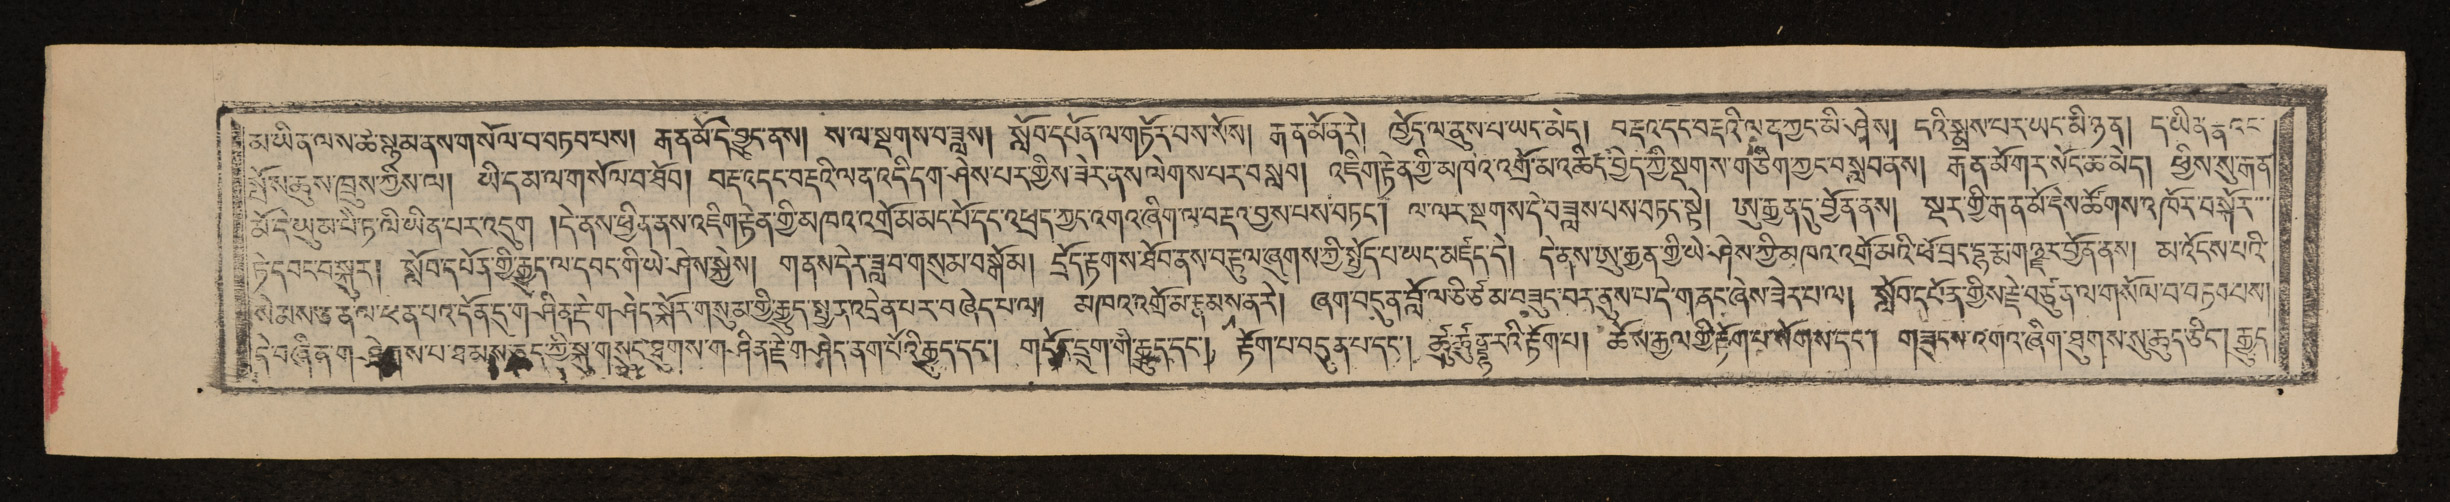མ་ཡིན་ལས་ཆེ་སྙམ་ནས་གསོལ་བ་བཏབ་པས། རྒན་མོ་དེ་བྱུང་ནས། ས་ལ་སྔགས་བཟླས། སློབ་དཔོན་ལ་གཏོར་བས་སོས། རྒན་མོ་ན་རེ། ཁྱོད་ལ་ནུས་པ་ཡང་མེད། བརྡའ་དང་བརྡའི་ལན་ཀྱང་མི་ཤེས། ངའི་སྨྲས་པར་ཡང་མི་ཉན། ང་ཡིན་ནའང་
སྤོས་ཆུས་ཁྲུས་ཀྱིས་ལ། ཡི་དམ་ལ་གསོལ་བ་ཐོབ། བརྡའ་དང་བརྡའི་ལན་འདི་དག་ཤེས་པར་གྱིས་ཟེར་ནས་ལེགས་པར་བསླབ། འཇིག་རྟེན་གྱི་མཁའ་འགྲོ་མ་འཆིང་བྱེད་ཀྱི་སྔགས་གཅིག་ཀྱང་བསླབ་ནས། རྒན་མོ་གར་སོང་ཆ་མེད། ཕྱིས་སུ་རྒན་
མོ་དེ་ཡུམ་བཻ་ཏ་ལི་ཡིན་པར་འདུག །དེ་ནས་ཕྱིན་ནས་འཇིག་རྟེན་གྱི་མཁའ་འགྲོ་མ་མང་པོ་དང་འཕྲད་ཀྱང་འགའ་ཞིག་ལ་བརྡའ་བྱས་པས་བཏང་། ལ་ལར་སྔགས་དེ་བཟླས་པས་བཏང་སྟེ། ཨུ་རྒྱན་དུ་བྱོན་ནས། སྔར་གྱི་རྒན་མོ་དེས་ཚོགས་འཁོར་བསྐོར་
ཏེ་དབང་བསྐུར། སློབ་དཔོན་གྱི་རྒྱུད་ལ་དབང་གི་ཡེ་ཤེས་སྐྱེས། གནས་དེར་ཟླ་བ་གསུམ་བསྒོམ། དྲོད་རྟགས་ཐོབ་ནས་བརྟུལ་ཞུགས་ཀྱི་སྤྱོད་པ་ཡང་མཛད་དེ། དེ་ནས་ཨུ་རྒྱན་གྱི་ཡེ་ཤེས་ཀྱི་མཁའ་འགྲོ་མའི་ཕོ་བྲང་དྷརྨ་གཉྫར་བྱོན་ནས། མ་འོངས་པའི་
སེམས་ཅན་ལ་ཕན་པའི་དོན་དུ་གཤིན་རྗེ་གཤེད་སྐོར་གསུམ་གྱི་རྒྱུད་སྤྱན་འདྲེན་པར་བཞེད་པ་ལ། མཁའ་འགྲོ་མ་རྣམས་ན་རེ། ཞག་བདུན་བློ་ལ་ཅི་ཙམ་བཟུང་བར་ནུས་པ་དེ་གནང་ཞེས་ཟེར་བ་ལ། སློབ་དཔོན་གྱིས་རྗེ་བཙུན་ལ་གསོལ་བ་བཏབ་པས།
དེ་བཞིན་གཤེགས་པ་ཐམས་ཅད་ཀྱི་སྐུ་གསུང་ཐུགས་གཤིན་རྗེ་གཤེད་ནག་པོའི་རྒྱུད་དང་། གདོང་དྲུག་གི་རྒྱུད་དང་། རྟོག་བ་བདུན་པ་དང་། ཚུ་ཚུནྡྷ་རའི་རྟོག་པ། ཆོས་རྒྱལ་གྱི་རྟོག་པ་སོགས་དང་། གཟུངས་འགའ་ཞིག་ཐུགས་སུ་ཆུད་ཅིང་། རྒྱུད་